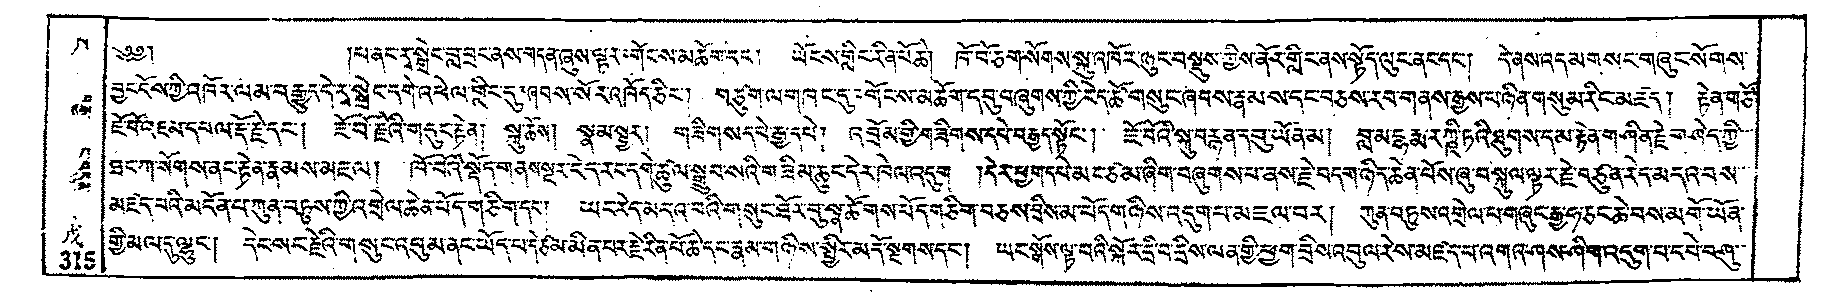༄༅། །པ་ནང་རྭ་སྒྲེང་བླ་བྲང་ནས་གདན་ཞུས་ལྟར་༧གོང་ས་མཆོག་དང་། ཡོངས་གླིང་རིན་པོ་ཆེ། ཁོ་བོ་ཅག་སོགས་སྐུ་འཁོར་ཉུང་བསྡུས་ཀྱིས་ནོར་གླིང་ནས་སྟོད་ལུང་ནང་དང་། དེ་ནས་འདམ་གསང་གཞུང་སོགས་
བྱང་ངོས་ཀྱི་འཁོར་ལམ་བརྒྱུད་དེ་རྭ་སྒྲེང་དགེ་འཕེལ་གླིང་དུ་༧ཞབས་སོར་འཁོད་ཅིང་། གཙུག་ལག་ཁང་དུ་༧གོང་ས་མཆོག་དབུ་བཞུགས་ཀྱི་ངེད་ཚོ་གསུང་ཞབས་རྣམས་དང་བཅས་རབ་གནས་རྒྱས་པ་ཉིན་གསུམ་རིང་མཛད། རྟེན་གཙོ་
ཇོ་བོ་འཇམ་དཔལ་རྡོ་རྗེ་དང་། ཇོ་བོ་རྗེའི་གདུང་རྟེན། སྐུ་ཆོས། སྣམ་སྦྱར། གཟིགས་དཔེ་རྒྱ་དཔེ། འབྲོམ་གྱི་གཟིགས་དཔེ་བརྒྱད་སྟོང་། ཇོ་བོའི་སྐུ་བརྙན་དབུ་ཡོན་མ། བླ་མ་དྷརྨ་རཀྵི་ཏའི་ཐུགས་དམ་རྟེན་གཤིན་རྗེ་གཤེད་ཀྱི་
ཐང་ཀ་སོགས་ནང་རྟེན་རྣམས་མཇལ། ཁོ་བོའི་སྡོད་གནས་སྔར་ངེད་རང་དགེ་ཚུལ་སྒྲུབ་སའི་གཟིམ་ཆུང་དེར་ཁེལ་འདུག །དེར་ཕྱག་དཔེ་མང་ཙམ་ཞིག་བཞུགས་པ་ནས་རྗེ་བདག་ཉིད་ཆེན་པོས་ཞུ་བསྐུལ་ལྟར་རྗེ་བཙུན་རེད་མདའ་བས་
མཛད་པའི་མངོན་པ་ཀུན་བཏུས་ཀྱི་འགྲེལ་ཆེན་པོད་གཅིག་དང་། ཡང་རེད་མདའ་བའི་གསུང་ཐོར་བུ་སྣ་ཚོགས་པོད་གཅིག་བཅས་བྲིས་མ་པོད་གཉིས་འདུག་པ་མཇལ་བར། ཀུན་བཏུས་འགྲེལ་པ་གཞུང་རྒྱ་ཧ་ཅང་ཆེ་བས་མགོ་ཡོན་
གྱི་མལ་དུ་ལྷུང་། དེང་སང་རྗེའི་གསུང་འབུམ་ནང་ཡོད་པ་དེ་ཙམ་མིན་པར་རྗེ་རིན་པོ་ཆེ་དང་རྣམ་གཉིས་སྤྱིར་མདོ་སྔགས་དང་། ཡང་སྒོས་ལྟ་བའི་སྐོར་དྲི་བ་དྲིས་ལན་གྱི་ཕྱག་བྲིས་འབུལ་རེས་མཛད་པ་འགའ་ཤས་ཤིག་འདུག་པ་དཔེ་བཤུ་